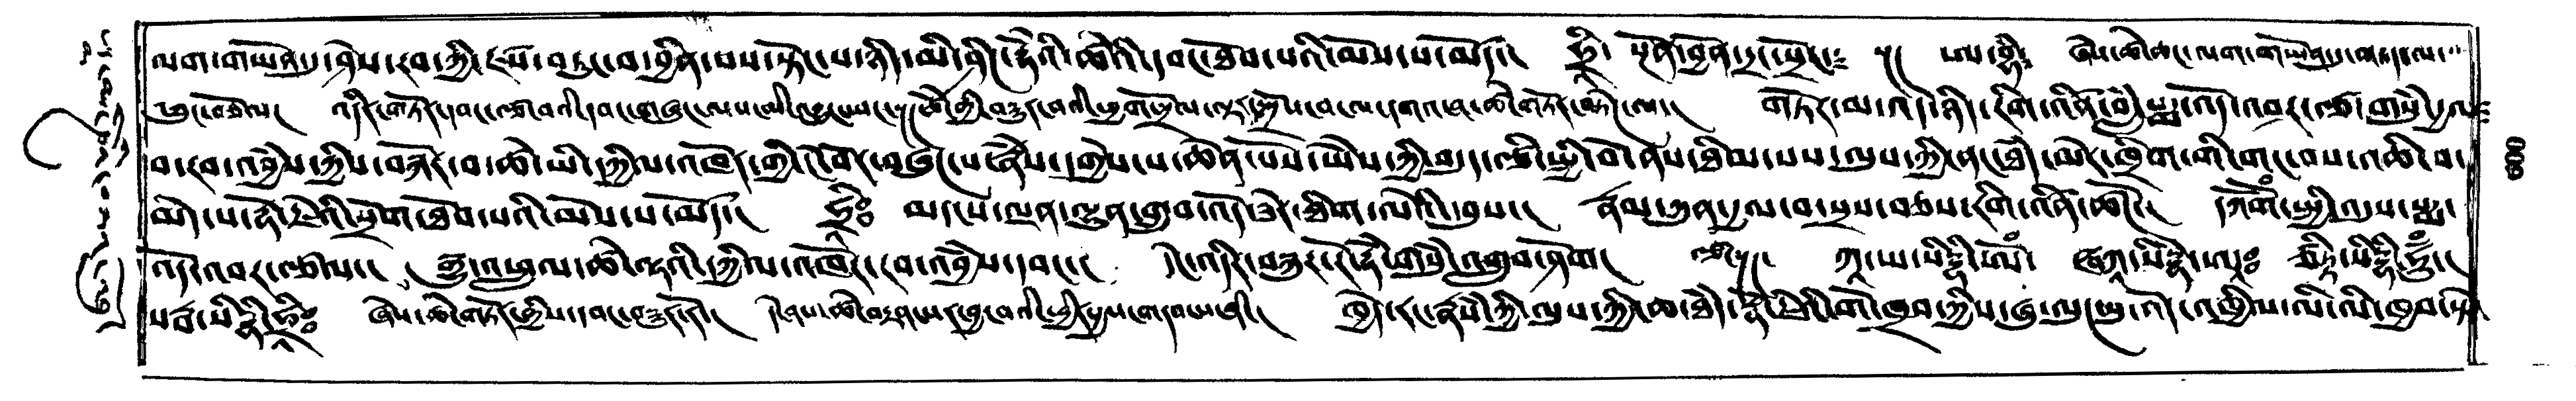ལག་གཡོན་དུ་ཤེས་རབ་ཀྱི་རྫས་བཏུང་བ་བྱིན་པས་སྟོང་པ་ཉིད་མི་ཤིགས་རྡོ་རྗེའི་ཚེའི་དབང་ཐོབ་པའི་མོས་པ་མཛོད། ཧྲཱིཿ སྔོན་བྱོན་དྲང་སྲོང༴ སྔགས་ཨ་བྷི༴ ཞེས་ཚེ་ཆང་ལག་གཡོན་དུ་གཏད་ལ་
འཐུང་བཅག འདིར་གཏོར་དབང་རྩ་བའི་དབང་གཞུང་ལས་མི་འབྱུང་ཡང་སྔགས་ཙམ་གྱིས་བསྐུར་བའི་ཕྱག་སྲོལ་ལྟར་སྤྲོས་པ་ལ་དགའ་ན་ཚེ་གཏོར་བཏེགས་ལ། གཏོར་མ་འདི་ཉིད་རིག་འཛིན་བླ་མ་པདྨ་འོད་འབར་རྩ་གསུམ་རྒྱལ་
བ་རབ་འབྱམས་ཀྱིས་བསྐོར་བ་ཚེ་ཡི་དཀྱིལ་འཁོར་གྱི་ངོ་བོར་བཞུགས་པ་རྣམས་དགྱེས་པ་ཆེན་པོས་ཡེ་ཤེས་ཀྱི་བདུད་རྩི་སྤྱི་བོ་ནས་ཐིམ་པས་ལུས་ཀྱི་ནང་ཐམས་ཅད་མེར་ཁྲིག་གིས་གང་བས་འཆི་བ་
མེད་པ་རྡོ་རྗེའི་སྲོག་ཐོབ་པའི་མོས་པ་མཛོད། ཧྲཱིཿ མདངས་ལྡན་ལྷུན་གྲུབ་འོད་ཟེར་ཐིག་ལེའི་དབུས། །རྣམ་ཀུན་རྒྱལ་བ་སྲས་བཅས་རིག་འཛིན་ཚོགས། །དཀོན་མཆོག་སྤྱི་འདུས་པདྨ་
འོད་འབར་རྩལ། །སྒྱུ་འཕྲུལ་ཚེ་ལྷའི་དཀྱིལ་འཁོར་རབ་འབྱམས་དབང་། །དེང་འདིར་བསྐུར་རོ་རྡོ་རྗེ་གསུམ་འགྲུབ་ཤོག རྩ་སྔགས ། ཀཱ་ཡ་སིདྡྷི་ཨོཾ། ཝཀཱ་སིདྡྷི་ཨཱཿ སིཏྟ་སིདྡྷི་ཧཱུྃ། 
སརྦ་སིདྡྷི་ཧྲཱིཿ ཞེས་ཚེ་གཏོར་གྱིས་དབང་བསྐུར་རོ། དེ་ནས་ཚེ་བརྟན་པར་བྱ་བའི་ཕྱིར་རྒྱས་གདབ་པ་ནི། ཁྱེད་རང་རྣམས་ཀྱི་ལུས་ཀྱི་ཆ་ཐམས་ཅད་རྡོ་རྗེའི་གོ་ཁྲབ་ཀྱིས་ཞུ་ལུགས་སུ་འོད་འཁྱིལ་ལི་ལི་ཁྱབ་སྟེ་